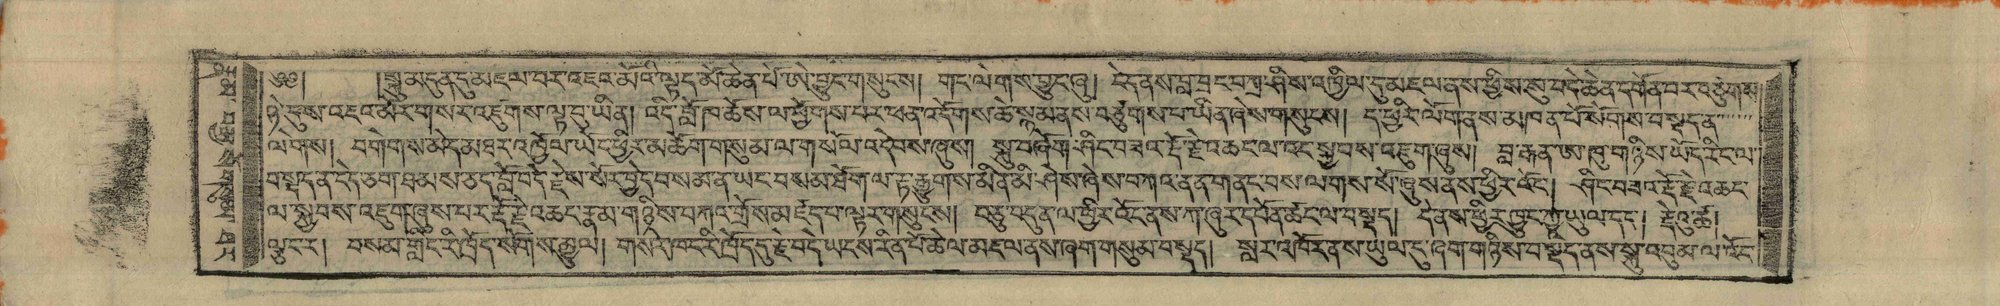༄༅། །སྐུ་མདུན་དུ་མཇལ་བར་འཇའ་མོའི་ལྟད་མོ་ཆེན་པོ་ཨེ་བྱུང་གསུངས། གང་ལེགས་བྱུང་ཞུ། ངེད་ནས་བླ་བྲང་བཀྲ་ཤིས་འཁྱིལ་དུ་མཇལ་ནས་ཕྱིས་སུ་བདེ་ཆེན་དགོན་པར་བཙུགས་
ཉེ་དུས་འཇའ་མོར་གསར་འཛུགས་ལྟ་བུ་ཡིན། འདི་བློ་ཁ་ཆོས་ལ་ཕྱོགས་པར་ཕན་འདོགས་ཆེ་སྙམ་ནས་བཙུགས་པ་ཡིན་ཞེས་གསུངས། ད་ཕྱིར་ལོག་ནས་མཁན་པོ་སོགས་བསྡད་ན་
ལེགས། བགེགས་མེད་མཐར་འཁྱོལ་ཡོང་ཕྱིར་མཆོག་གསུམ་ལ་གསོལ་འདེབས་ཞུས། སྐུ་བཞོག་ཤིང་བཟའ་རྡོ་རྗེ་འཆང་ལ་འང་སྐྱབས་འཇུག་ཞུས། བླ་རྒན་ཨ་ཁུ་གཉིས་ཡོད་རིང་ལ་
བསྡད་ན་ངེད་ཅག་ཐམས་ཅད་བློ་བདེ་རྗེས་སོར་བྱེད་བསམ་ན་ཡང་བསམ་ཐོག་ལ་རྟ་རྒྱུགས་མིན་མི་ཤེས་ཞེས་བཀའ་ནན་གནང་བས་ལགས་སོ་ཞུས་ནས་ཕྱིར་འོང་། ཤིང་བཟའ་རྡོ་རྗེ་འཆང་
ལ་སྐྱབས་འཇུག་ཞུས་པར་རྡོ་རྗེ་འཆང་རྣམ་གཉིས་བཀའ་གྲོས་མཛད་པ་ལྟར་གསུངས། བཅུ་བདུན་ལ་ཕྱིར་འོང་ནས་ཀ་ཞུར་དཔོན་ཚང་ལ་བསྡད། དེ་ནས་ཕྱིར་ཁྱུང་ཀྱཱ་ཡུལ་དང་། རྡེའུ་ཚ།
ལྕང་ར། བསམ་གླིང་རི་ཁྲོད་སོགས་མྱུལ། གསེར་ཁང་རི་ཁྲོད་དུ་རྗེ་བདེ་ཡངས་རིན་པོ་ཆེ་ལ་མཇལ་ནས་ཞག་གསུམ་བསྡད། སླར་འཁོར་ནས་ཡུལ་དུ་ཞག་གཉིས་བསྡད་ནས་སྐུ་འབུམ་ལ་འོང་